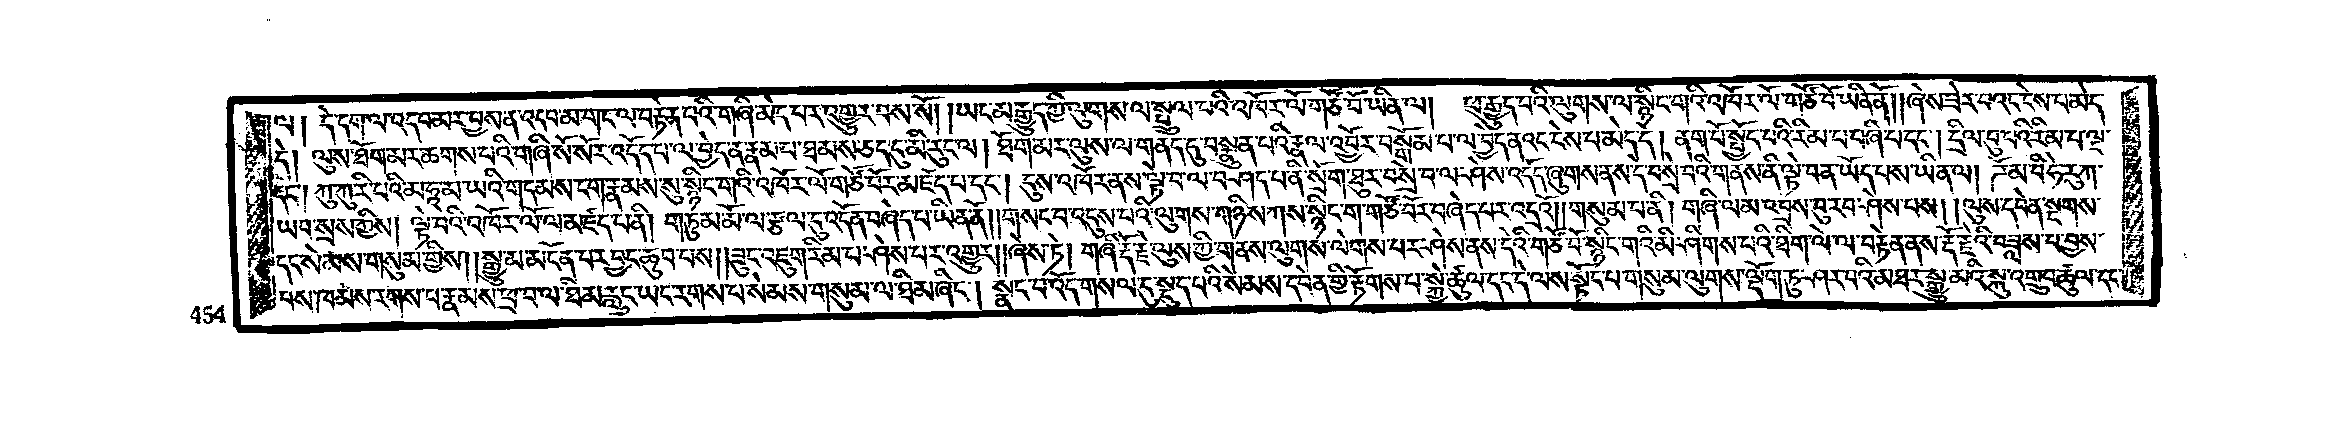ལ། དེ་དག་ལ་འདབ་མར་བྱས་ན་འདབ་མ་གང་ལ་བརྟེན་པའི་གཞི་མེད་པར་འགྱུར་བས་སོ། །ཡང་མ་རྒྱུད་ཀྱི་ལུགས་ལ་སྤྲུལ་པའི་འཁོར་ལོ་གཙོ་བོ་ཡིན་ལ། ཕ་རྒྱུད་པའི་ལུགས་ལ་སྙིང་གའི་འཁོར་ལོ་གཙོ་བོ་ཡིན་ནོ། །ཞེས་ཟེར་བའང་ངེས་པ་མེད་
དེ། ལུས་ཐོག་མར་ཆགས་པའི་གཞི་སོ་སོར་འདོད་པ་ལ་བྱེད་ན་རྣམ་པ་ཐམས་ཅད་དུ་མི་རུང་ལ། ཐོག་མར་ལུས་ལ་གནད་དུ་བསྣུན་པའི་རྣལ་འབྱོར་བསྒོམ་པ་ལ་བྱེད་ནའང་ངེས་པ་མེད་དེ། ནག་པོ་སྤྱོད་པའི་རིམ་པ་བཞི་པ་དང་། དྲིལ་བུ་པའི་རིམ་པ་ལྔ་
དང་། ཀུ་ཀུ་རི་པའི་མཧཱ་མ་ཡའི་གདམས་ངག་རྣམས་སུ་སྙིང་གའི་འཁོར་ལོ་གཙོ་བོར་མཛད་པ་དང་། དུས་འཁོར་ནས་ལྟེ་བ་ལ་བཤད་པ་ནི་སྲོག་ཐུར་བསྲེ་བ་ལ་ཤེས་འདོད་ཞུགས་ནས་དེ་བསྲེ་བའི་གནས་ནི་ལྟེ་བ་ན་ཡོད་པས་ཡིན་ལ། ཌོ་མ་བི་ཧེ་རུ་ཀ་
ཡབ་སྲས་ཀྱིས། ལྟེ་བའི་འཁོར་ལོ་ལ་མཛད་པ་ནི། གཏུམ་མོ་ལ་རྩལ་དུ་འདོན་བཞེད་པ་ཡིན་ནོ། །གསང་བ་འདུས་པའི་ལུགས་གཉིས་ཀས་སྙིང་ག་གཙོ་བོར་བཞེད་པར་འདྲའོ། །གསུམ་པ་ནི། གཞི་ལམ་འབྲས་བུ་རབ་ཤེས་པས། །ལུས་དབེན་སྔགས་
དང་སེམས་གསུམ་གྱིས། །སྒྱུ་མ་མངོན་པར་བྱང་ཆུབ་པས། །ཟུང་འཇུག་རིམ་པ་ཤེས་པར་འགྱུར། །ཞེས་ཏེ། གཞི་རྡོ་རྗེ་ལུས་ཀྱི་གནས་ལུགས་ལེགས་པར་ཤེས་ནས་དེའི་གཙོ་བོ་སྙིང་གའི་མི་ཤིགས་པའི་ཐིག་ལེ་ལ་བརྟེན་ནས་རྡོ་རྗེའི་བཟླས་པ་བྱས་
པས་ཁམས་རགས་པ་རྣམས་ཕྲ་བ་ལ་ཐིམ་རླུང་ཡང་རགས་པ་སེམས་གསུམ་ལ་ཐིམ་ཞིང་། སྣང་བ་འོད་གསལ་དུ་སྡུད་པའི་སེམས་དབེན་གྱི་རྟོགས་པ་སྐྱེ་ཚུལ་དང་དེ་ལས་སྟོང་པ་གསུམ་ལུགས་ལྡོག་ཏུ་ཤར་བའི་མཐར་སྒྱུ་མའི་སྐུ་འགྲུབ་ཚུལ་དང་